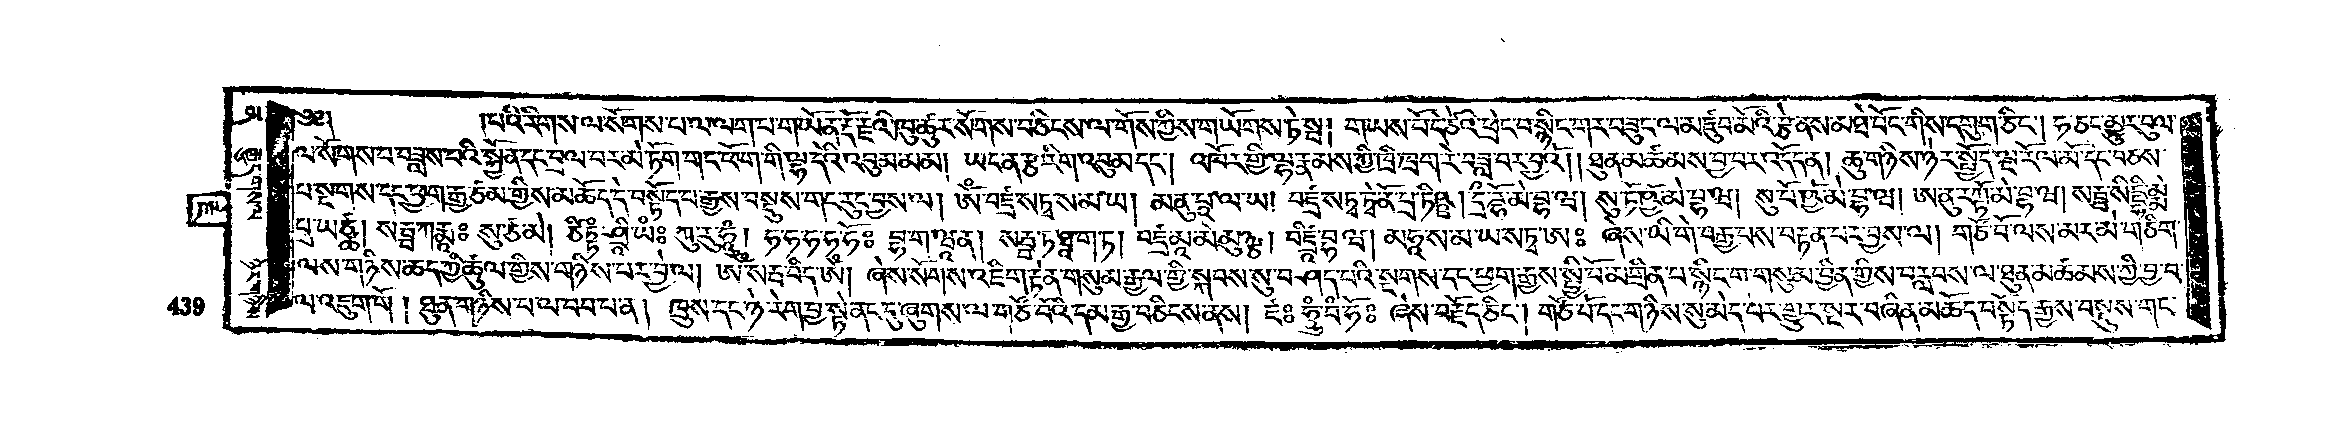༄༅། །པའི་རིགས་ལ་སོགས་པ་ལ་ལག་པ་གཡོན་རྡོ་རྗེའི་ཁུ་ཆུར་སོགས་བཅིངས་ལ་གོས་ཀྱིས་གཡོགས་ཏེ་སྦ། གཡས་པོ་དེ་ཙེའི་ཕྲེང་བ་སྙིང་གར་བཟུང་ལ་མཛུབ་མོའི་རྩེ་ནས་མཐེ་བོང་གིས་དགུག་ཅིང་། ཧ་ཅང་མྱུར་བུལ་
ལ་སོགས་པ་བཟླས་པའི་སྐྱོན་དང་བྲལ་བར་མེ་ཏོག་གང་ཕོག་གི་ལྷ་དེའི་འབུམ་མམ། ཡང་ན་རྩ་རིག་འབུམ་དང་། འཁོར་གྱི་ལྷ་རྣམས་ཀྱི་ཁྲི་ཁྲག་རེ་བཟླ་བར་བྱའོ། །ཐུན་མཚམས་བྱ་བར་འདོད་ན། ཆུ་གཉིས་ཉེར་སྤྱོད་ལྔ་རོལ་མོ་དང་བཅས་
པ་སྔགས་དང་ཕྱག་རྒྱ་ཙམ་གྱིས་མཆོད་དེ་བསྟོད་པ་རྒྱས་བསྡུས་གང་རུང་བྱས་ལ། ཨོཾ་བཛྲ་སཏྭ་ས་མ་ཡ། མ་ནུ་པཱ་ལ་ཡ། བཛྲ་སཏྭ་ཏྭེ་ནོ་པྲ་ཏིཥཊཿཨ། དྲྀ་ཌྷོ་མེ་བྷ་ཝ། སུ་ཏོ་ཥྱོ་མེ་བྷ་ཝ། སུ་པོ་ཥྱོ་མེ་བྷ་ཝ། ཨ་ནུ་རཀྟོ་མེ་བྷ་ཝ། སརྦྦ་སིདྡྷི་མྨེ་
པྲ་ཡ་ཙྪ། སརྦྦ་ཀརྨཱཿ སུ་ཙ་མེ། ཙིཏྟཾ་ཤྲཱི་ཡཾཿ ཀུ་རུ་ཧཱུཾ། ཧ་ཧ་ཧ་ཧ་ཧོཿ བྷ་ག་ཝཱ་ན། སརྦྦ་ཏ་ཐཱ་ག་ཏ། བཛྲ་མཱ་མེ་མུཉྩ། བཛྲཱི་བྷ་ཝ། མཧཱ་ས་མ་ཡ་སཏྭ་ཨཿ ཞེས་ཡི་གེ་བརྒྱ་པས་བརྟན་པར་བྱས་ལ། གཙོ་བོ་ལས་མར་མེ་གཅིག་
ལས་གཉིས་ཆད་ཀྱི་ཚུལ་གྱིས་གཉིས་པར་བྱེ་ལ། ཨོཾ་སརྦ་བིད་ཨོཾ། ཞེས་སོགས་འཇིག་རྟེན་གསུམ་རྒྱལ་གྱི་སྐབས་སུ་བཤད་པའི་སྔགས་དང་ཕྱག་རྒྱས་སྤྱི་བོ་མགྲིན་པ་སྙིང་ག་གསུམ་བྱིན་གྱིས་བརླབས་ལ་ཐུན་མཚམས་གྱི་བྱ་བ་
ལ་འཇུག་གོ །ཐུན་གཉིས་པ་ལ་བབ་པ་ན། ཁྲུས་དང་ཉེ་རེག་བྱ་སྟེ་ནང་དུ་ཞུགས་ལ་གཙོ་བོའི་དམ་རྒྱ་བཅིངས་ནས། ཛཿ ཧཱུཾ་བཾ་ཧོཿ ཞེས་བརྗོད་ཅིང་། གཙོ་བོ་དང་གཉིས་སུ་མེད་པར་གྱུར་སྔར་བཞིན་མཆོད་བསྟོད་རྒྱས་བསྡུས་གང་